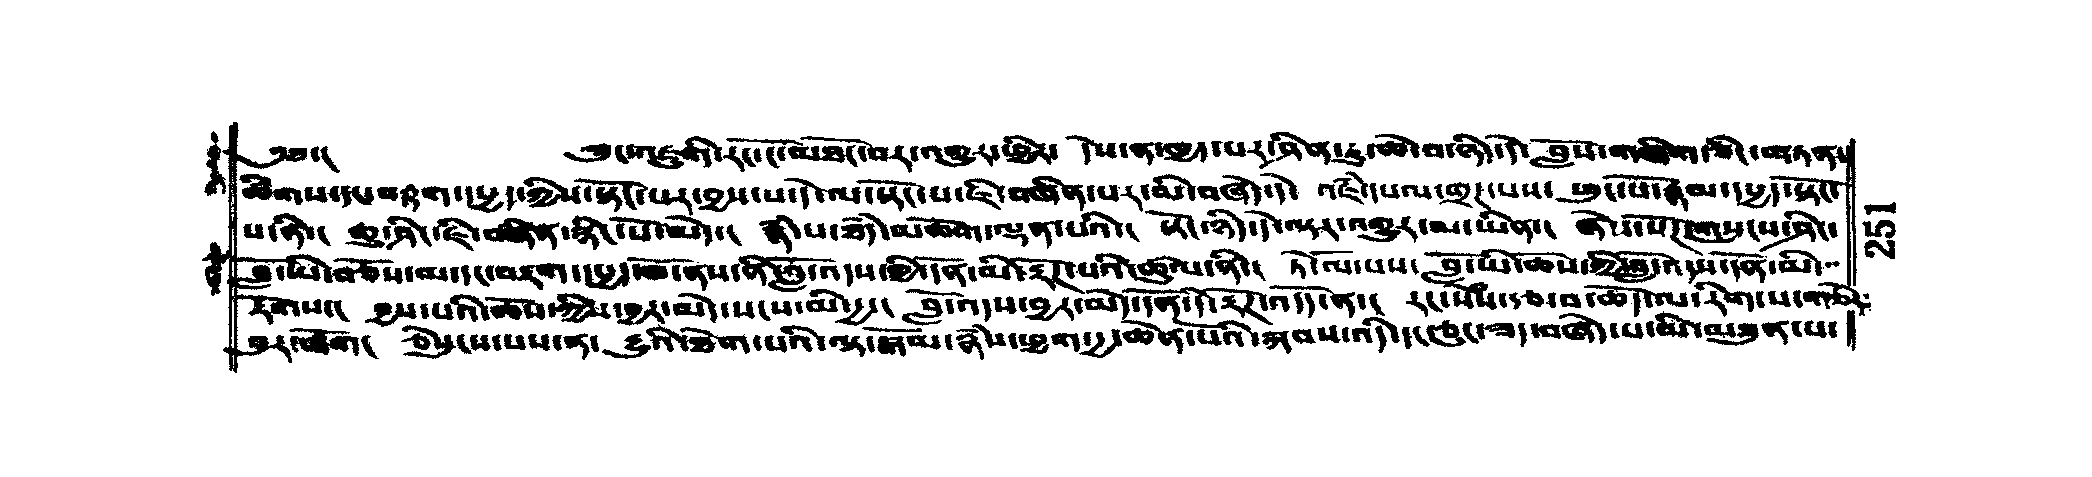ཟུང་འཇུག་གི་རང་ངོ་མཐོང་བར་འགྱུར་ཕྱིར། དེས་ན་ཁྱད་པར་ཤིན་ཏུ་ཆེ་བ་ཉིད་དེ། བློས་གཞིག་ཅིང་གཏན་
ཚིགས་དང་བརྟག་དཔྱད་ཀྱིས་སྟོང་པར་བྱས་པ་དེ་ལ་སྟོང་པ་ཇི་བཞིན་པར་མི་བཞེད་དེ། འཇམ་དཔལ་གྲགས་པས། ཕུང་པོ་རྣམ་དཔྱད་སྟོང་
པ་ནི། །ཆུ་ཤིང་ཇི་བཞིན་སྙིང་པོ་མེད། །རྣམ་པ་ཐམས་ཅད་མཆོག་ལྡན་པའི། །སྟོང་ཉིད་དེ་ལྟར་འགྱུར་མ་ཡིན།ཞེས་སོགས་གསུངས་ཤིང་
བློ་ཡི་བཅོས་མ་དང་བརྟག་དཔྱད་ཁོ་ནས་ནི་བློ་འདས་ཀྱི་དོན་མི་རྟོགས་པའི་ཚུལ་ནི། ཏེ་ལོ་པས། བློ་ཡི་ཆོས་ཀྱི་བློ་འདས་དོན་མི་
རྟོགས། །བྱས་པའི་ཆོས་ཀྱི་བྱར་མེད་སངས་མི་རྒྱ། །བློ་འདས་བྱར་མེད་དོན་དེ་རྟོགས་འདོད་ན། །རང་སེམས་རྩ་བ་ཆོད་ལ་རིག་པ་གཅེར་
བུར་ཞོག ཅེས་གསུངས་པས་ན། རྒྱུའི་ཐེག་པའི་ལྟ་སྒོམ་རྣམས་ཕྱག་རྒྱ་ཆེན་པོའི་སྐབས་འདི་དང་ཅུང་ཟད་བཞེད་པ་མི་མཐུན་པ་